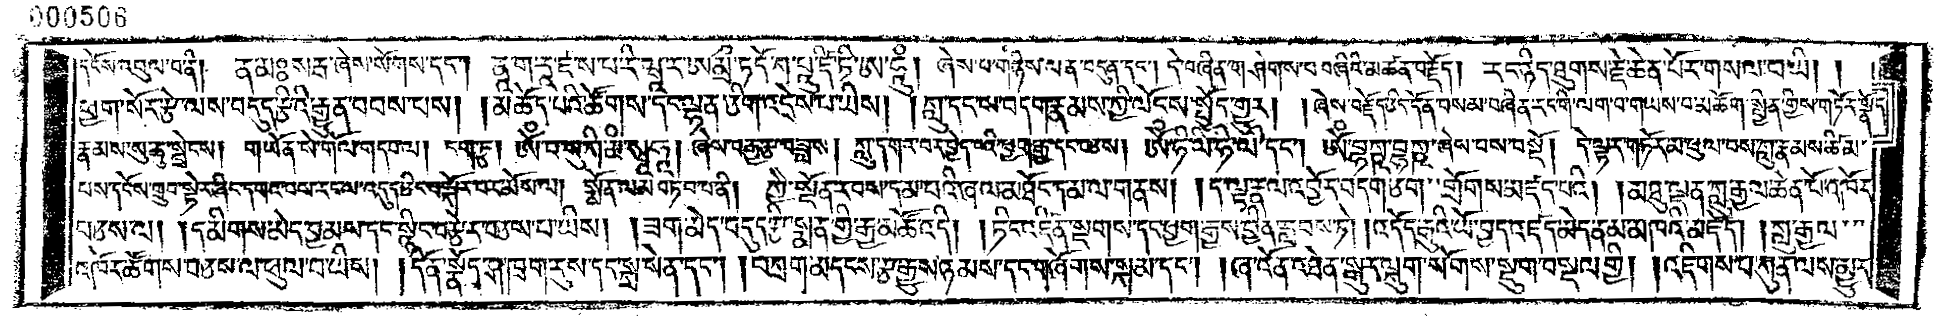དངོས་འབུལ་བ་ནི། ན་མཿ སརྦ་ཞེས་སོགས་དང་།  ནཱ་ག་རཱ་ཛ་ས་པ་རི་ཝཱ་ར་ཨམྲྀ་ཏ་དོ་ཀ་པཱུ་ཛི་ཏི་ཨ་ཧཱུཾ། ཞེས་པ་གཉིས་ལན་བདུན་དང་། དེ་བཞིན་གཤེགས་པ་བཞིའི་མཚན་བརྗོད།  རང་ཉིད་ཐུགས་རྗེ་ཆེན་པོར་གསལ་བ་ཡི། །
ཕྱག་སོར་རྩེ་ལས་བདུད་རྩིའི་རྒྱུན་བབས་པས། །མཆོད་པའི་ཚོགས་དང་ལྷན་ཅིག་འདྲེས་པ་ཡིས། །ཀླུ་དང་ས་བདག་རྣམས་ཀྱི་ལོངས་སྤྱོད་གྱུར། །ཞེས་བརྗོད་ཅིང་དོན་བསམ་བཞིན་རང་གི་ལག་པ་གཡས་པ་མཆོག་སྦྱིན་གྱིས་གཏོར་སྣོད་
རྣམས་སུ་ཆུ་སྦྲེངས། གཡོན་སེ་གོལ་གདབ་ལ། ངག་ཏུ། ཨོཾ་པ་སུ་ཀི་མཾ་སྭཱཧཱ། ཞེས་བརྒྱ་རྩ་བཟླས། ཀླུ་དགའ་བར་བྱེད་པའི་ཕྱག་རྒྱ་དང་བཅས།  ཨོཾ་ཧི་ལི་ཧི་ལི་དང་། ཨོཾ་བྷཀྵ་བྷཀྵ་ཞེས་པས་བསྔོ། དེ་ལྟར་གཏོར་མ་ཕུལ་བས་ཀླུ་རྣམས་ཚིམ་
པས་དངོས་གྲུབ་སྟེར་ཞིང་དགའ་བས་རང་ལ་འདུད་ཅིང་བསྐོར་བར་མོས་ལ། སྨོན་ལམ་བཏབ་པ་ནི། ཀྱཻ་སྔོན་རབས་དམ་པའི་ཞལ་མཐོང་དམ་ལ་གནས། །ད་ལྟ་རྣལ་འབྱོར་བདག་ཅག་གྲོགས་མཛད་པའི། །མཐུ་ལྡན་ཀླུ་རྒྱལ་ཆེན་པོ་འཁོར་
བཅས་ལ། །དམིགས་མེད་བྱམས་དང་སྙིང་བརྩེར་བཅས་པ་ཡིས། །ཟག་མེད་བདུད་རྩི་སྨན་གྱི་རྒྱ་མཚོ་འདི། །ཏིང་འཛིན་སྔགས་དང་ཕྱག་རྒྱས་བྱིན་རླབས་ཏེ། །འདོད་རྒུའི་ཡོ་བྱད་འཛད་མེད་ནམ་མཁའི་མཛོད། །ཀླུ་རྒྱལ་
འཁོར་ཚོགས་བཅས་ལ་ཕུལ་བ་ཡིས། །དོན་སྣོད་ཤ་ཁྲག་རུས་དང་སྐྲ་སེན་དང་། །བཀྲག་མདངས་རྩ་རྒྱུས་ཉམས་དང་གཞོགས་སྐམ་དང་། །ཞ་འོན་འཐེན་སྒུར་ལྐུག་སོགས་སྡུག་བསྔལ་གྱི། །འཇིགས་པ་ཀུན་ལས་མྱུར་